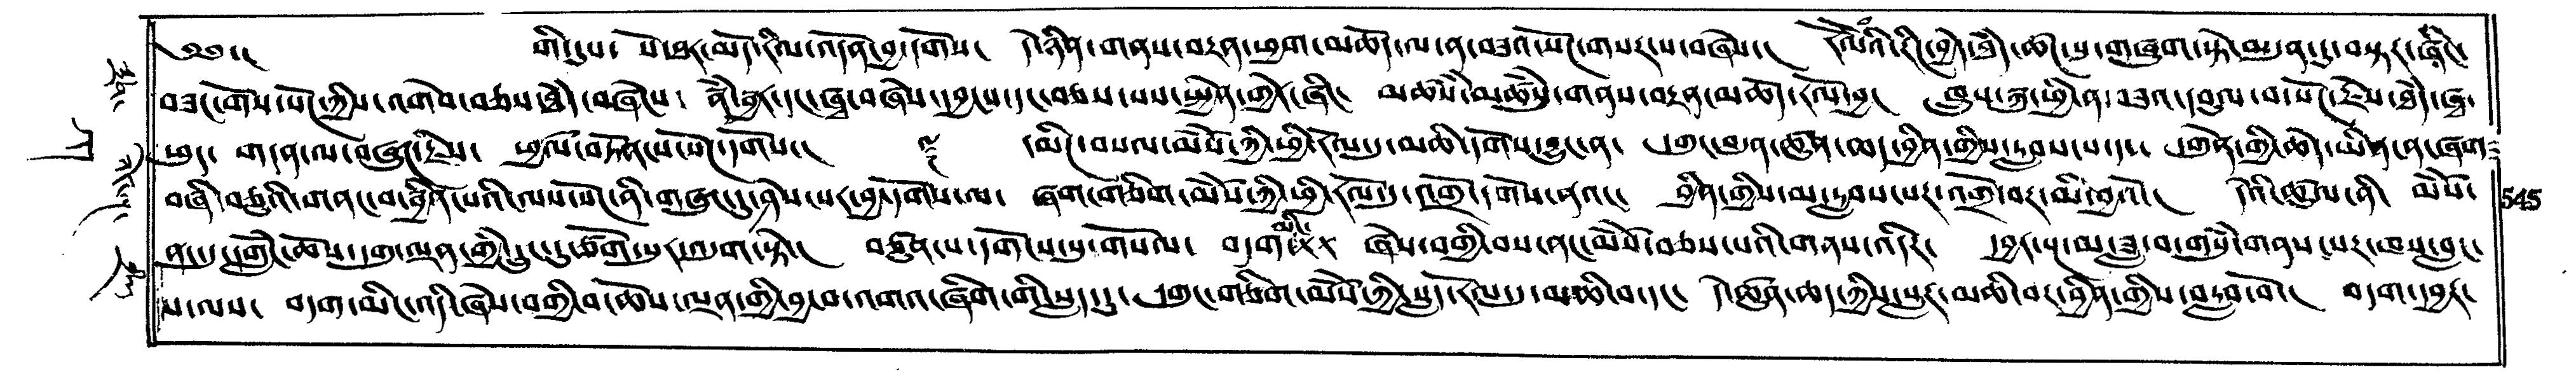གི་དུས་སོ་ཐར་མདོ་རིལ་འདོན་བྱ་དགོས། དེ་ཉིན་གནས་བརྟན་ཕྱག་མཆོད་ལ་ན་བཟའ་སོགས་གསར་པ་བཞེས། རོལ་མོའི་རིགས་བྱེད་ཐམས་ཅད་ཚགས་སུ་གཞུག་སྟེ་མདུན་དུ་བསྟར་ཞིང་
བཟང་གོས་སོགས་ཀྱིས་འགེབ་བཅས་ཐམས་ཅད་བཞེངས། སྣམ་སྦྱར་དང་ཞྭ་བཞེས། དབྱངས་དང་བཅས་པས་སྤྱན་འདྲེན་གྱེར་ཞིང་། མཚམས་མཚམས་སུ་གནས་བརྟན་མཆོད་རོལ་བྱ། ཁྲུས་སྐུ་ཕྱི། ན་བཟའ་དབུལ་བ་སོགས་རྗེས་ཐམས་ཅད་ཞྭ་
ཕུད། གདན་ལ་བཞུགས་རྗེས། ཕྱག་འཚལ་བསྟོན་པ་སོགས་དགོས། ༈ དམིགས་བསལ་མཚམས་ཀྱི་ཕྱི་རོལ་དུ་མཆི་དགོས་བྱུང་ན། དགུང་བདུན་ཚུན་ཆད་བྱིན་གྱིས་བརླབ་པ་དང་། དགེ་འདུན་གྱི་ཆེད་ཡིན་ན་ཞག་
བཞི་བཅུའི་གནང་བ་སྦྱིན་པའི་ལས་སོགས་ནི་གཞུང་དུ་ཤེས་པར་བྱ་དགོས་ལ། ཞག་གཅིག་མཚམས་ཀྱི་ཕྱི་རོལ་དུ་འགྲོ་དགོས་ནའང་། བྱིན་གྱིས་མ་བརླབས་པར་འགྲོ་བར་མི་བྱའོ།། དེའི་ཚུལ་ནི། མཚམས་
ནང་དུ་དགེ་སློང་ཆོས་དགུ་ལྡན་གྱི་དྲུང་དུ་ཙོག་པུར་འདུག་སྟེ། བཙུན་པ་དགོངས་སུ་གསོལ། བདག་མིང༴ ཞེས་བགྱི་བས་ནང་མཚམས་དང་བཅས་པའི་གནས་འདིར། དབྱར་སྔ་མ་ཟླ་བ་གསུམ་གནས་པར་ཁས་བླངས་
པ་ལས། བདག་མིང༴ འདི་ཞེས་བགྱི་བ་ཆོས་ལྡན་གྱི་བྱ་བ་འགའ་ཞིག་གི་སླད་དུ། དགུང་གཅིག་མཚམས་ཀྱི་སླད་རོལ་དུ་མཆི་བ་དང་། དེ་ཚུན་ཆད་ཀྱིས་སླར་མཆི་བར་བྱིན་གྱིས་བརླབ་བོ།།བདག་དབྱར་